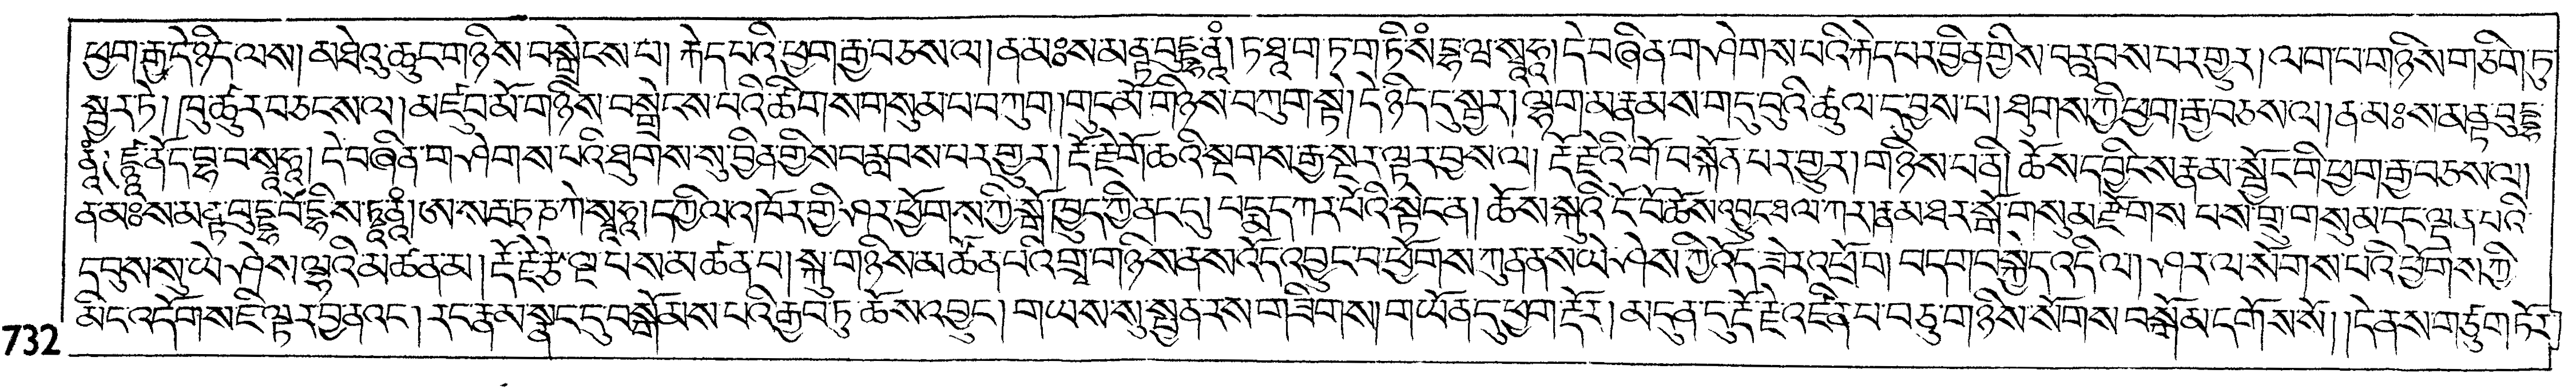ཕྱག་རྒྱ་དེ་ཉིད་ལས། མཐེའུ་ཆུང་གཉིས་བསྒྲེངས་པ། རྐེད་པའི་ཕྱག་རྒྱ་བཅས་ལ། ན་མཿ ས་མནྟ་བུདྡྷ་ནཱཾ། ཏ་ཐཱ་ག་ཏ་ག་ཏི་སཾ་བྷ་ཝ་སྭཱཧཱ། དེ་བཞིན་གཤེགས་པའི་རྐེད་པར་བྱིན་གྱིས་བརླབས་པར་གྱུར། ལག་པ་གཉིས་གཅིག་ཏུ་
སྦྱར་ཏེ། ཁུ་ཚུར་བཅངས་ལ། མཛུབ་མོ་གཉིས་བསྒྲེངས་པའི་ཚིགས་གསུམ་པ་བཀུག །གུང་མོ་གཉིས་བཀུག་སྟེ། དེ་ཉིད་དུ་སྦྱར། ལྷག་མ་རྣམས་གདུ་བུའི་ཚུལ་དུ་བྱས་པ། ཐུགས་ཀྱི་ཕྱག་རྒྱ་བཅས་ལ། ན་མཿ ས་མནྟ་བུདྡྷ་
ནཱཾ། ཛྙཱ་ནོ་ད་བྷ་བ་སྭཱཧཱ། དེ་བཞིན་གཤེགས་པའི་ཐུགས་སུ་བྱིན་གྱིས་བརླབས་པར་གྱུར། རྡོ་རྗེ་གོ་ཆའི་སྔགས་རྒྱ་སྔར་ལྟར་བྱས་ལ། རྡོ་རྗེའི་གོ་བསྐོན་པར་གྱུར། གཉིས་པ་ནི། ཆོས་དབྱིངས་རྣམ་སྦྱོང་གི་ཕྱག་རྒྱ་བཅས་ལ།
ན་མཿ ས་མནྟ་བུདྡྷ་བོ་དྷི་ས་ཏྭཱ་ནཱཾ། ཨ་སརྦ་ཏྲ་ཎ་ཀེ་སྭཱཧཱ། དཀྱིལ་འཁོར་གྱི་ཤར་ཕྱོགས་ཀྱི་སྒོ་ཁྱུད་ཀྱི་ནང་དུ། པདམ་དཀར་པོའི་སྟེང་ན། ཆོས་སྐུའི་ངོ་བོ་ཆོས་འབྱུང་ཐལ་ཀར། རྣམ་ཐར་སྒོ་གསུམ་རྫོགས་པས་གྲུ་གསུམ་དང་ལྡན་པའི་
དབུས་སུ་ཡེ་ཤེས་ལྷའི་མཚན་མ། རྡོ་རྗེ་རྩེ་ལྔ་པས་མཚན་པ། སྐུ་གཉིས་མཚོན་པའི་གྲྭ་གཉིས་ནས་འོད་འབྱུང་བ་ཕྱོགས་ཀུན་ནས་ཡེ་ཤེས་ཀྱི་འོད་ཟེར་འཕྲོ་བ། བདག་བསྐྱེད་འདི་ལ། ཤར་ལ་སོགས་པའི་ཕྱོགས་ཀྱི་
མིང་འདོགས་ཇི་ལྟར་བྱ་ནའང་། རང་རྣམ་སྣང་དུ་བསྒོམས་པའི་རྒྱབ་ཏུ་ཆོས་འབྱུང་། གཡས་སུ་སྤྱན་རས་གཟིགས། གཡོན་དུ་ཕྱག་རྡོར། མདུན་དུ་རྡོ་རྗེ་འཛིན་པ་བཅུ་གཉིས་སོགས་བསྒོམ་དགོས་སོ། །དེ་ནས་གཙུག་ཏོར་